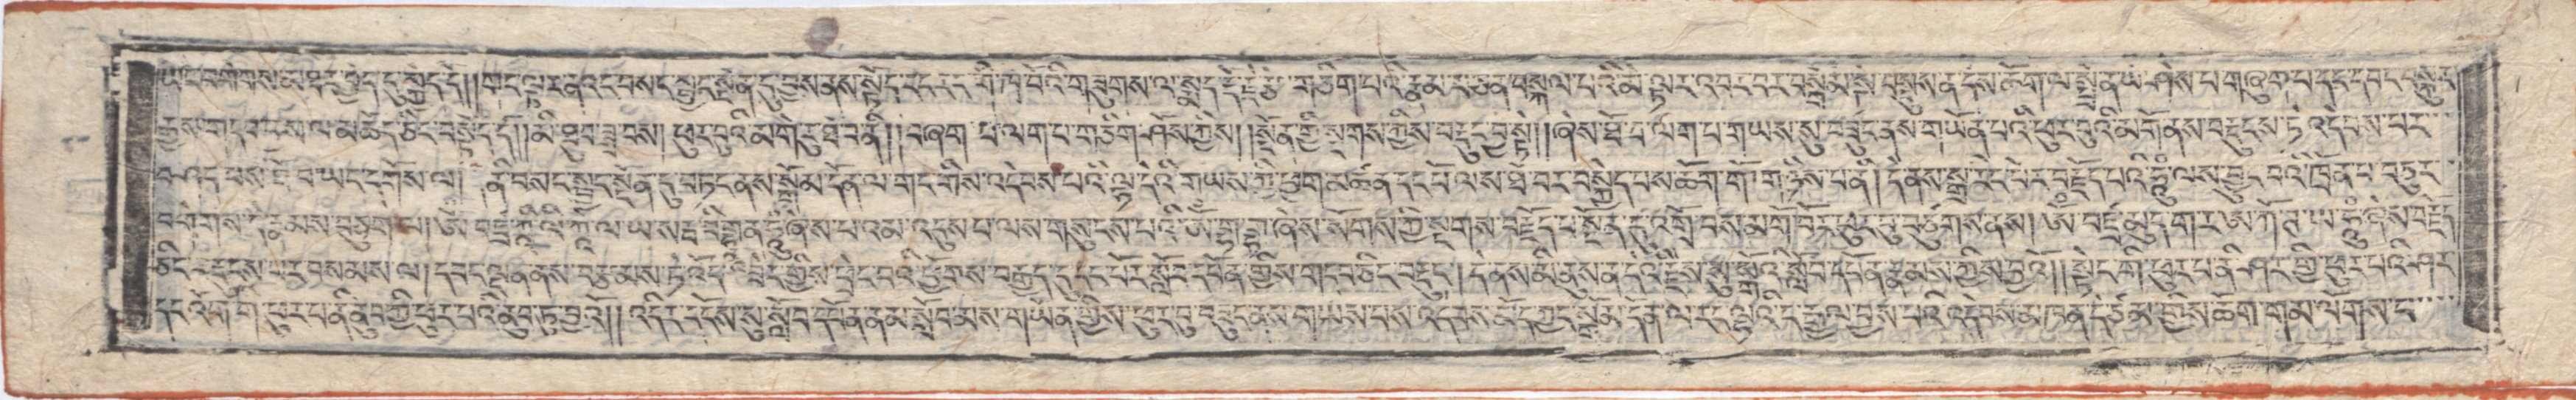ཡང་བགེགས་མཐར་བྱེད་དུ་སྐྱེད་དོ། །གང་ལྟར་ནའང་བསང་སྦྱང་སྔོན་དུ་བྱས་ནས་སྟོད་རང་རང་གི་ཁྲོ་བོའི་གཟུགས་ལ་སྨད་རྡོ་རྗེ་རྩེ་གཅིག་པའི་རྣམ་པ་ཅན་བསྐལ་པའི་མེ་ལྟར་འབར་བར་བསྒོམ་སྟེ་བསྡུས་ན་དེས་ཆོག་ལ་སྤྲོ་ན་ཡེ་ཤེས་པ་གཞུག་པ་དང་དབང་བསྐུར་
རྒྱས་གདབ་བྱས་ལ་མཆོད་ཅིང་བསྟོད་དོ། །མི་ཐུབ་ཟླ་བས། ཕུར་བུའི་མགོ་རུ་ཐོ་བ་ནི། །བཞག་པ་ལག་པ་གཅིག་ཤོས་ཀྱིས། །སྔོན་གྱི་སྔགས་ཀྱིས་བརྡུང་བྱ་སྟེ། །ཞེས་ཐོ་བ་ལག་པ་གཡས་སུ་བཟུང་ནས་གཡོན་པའི་ཕུར་བུའི་མགོ་ནས་བརྡུངས་ཏེ་འདེབས་པར་
བཤད་པས་ཐོ་བ་ཡང་དགོས་ལ། དེ་ནི་བསང་སྦྱང་སྔོན་དུ་བཏང་ནས་སྒོམ་དོན་ལ་གང་གིས་འདེབས་པའི་ལྷ་དེའི་གཡས་ཀྱི་ཕྱག་མཚན་དང་པོ་ལས་ཐོ་བར་བསྐྱེད་པས་ཆོག་གོ །གཉིས་པ་ནི། དེ་ནས་སྒྲ་རིང་པོར་བརྗོད་པའི་ཧཱུཾ་ལས་བྱུང་བའི་ཁྲོན་པ་བཅུར་
བགེགས་དེ་རྣམས་བཅུག་ལ། ཨོཾ་བཛྲ་ཀཱི་ལི་ཀཱི་ལ་ཡ་སརྦ་བིགྷཱན་ཧཱུཾ་ཞེས་པའམ་འདུས་པ་ལས་གསུངས་པའི་ཨོཾ་གྷ་གྷ་ཞེས་སོགས་ཀྱི་སྔགས་བརྗོད་པ་སྔོན་དུ་འགྲོ་བས་མགོ་བོར་ཕུར་བུ་བཙུགས་ནས། ཨོཾ་བཛྲ་མུད་ག་ར་ཨ་ཀོ་ཊ་ཡ་ཧཱུཾ་ཞེས་བརྗོད་
ཅིང་བརྡུངས་པར་བསམས་ལ། དབང་ལྡན་ནས་བརྩམས་ཏེ་འོད་ཟེར་གྱིས་ཕྲེང་བའི་ཕྱོགས་བརྒྱད་དུ་དང་པོར་སློབ་དཔོན་གྱིས་གདབ་ཅིང་བརྡུང་། དེ་ནས་མི་ནུས་ན་དེའི་རྗེས་སུ་སྒོའི་སློབ་དཔོན་རྣམས་ཀྱིས་བྱའོ། །སྟེང་གི་ཕུར་པ་ནི་ཤར་གྱི་ཕུར་པའི་ཤར་
དང་འོག་གི་ཕུར་པ་ནི་ནུབ་ཀྱི་ཕུར་པའི་ནུབ་ཏུ་བྱའོ། །འདིར་དངོས་སུ་སློབ་དཔོན་ནམ་སློབ་མས་གཡོན་གྱིས་ཕུར་བུ་བཟུང་ནས་གཡས་པས་འདེབས་མོད་ཀྱང་སྒོམ་དོན་ལ་རང་ལྷའི་ང་རྒྱལ་བྱས་པའི་འདེབས་མཁན་དེ་ཙམ་གྱིས་ཆོག་གམ་ལོགས་པ་